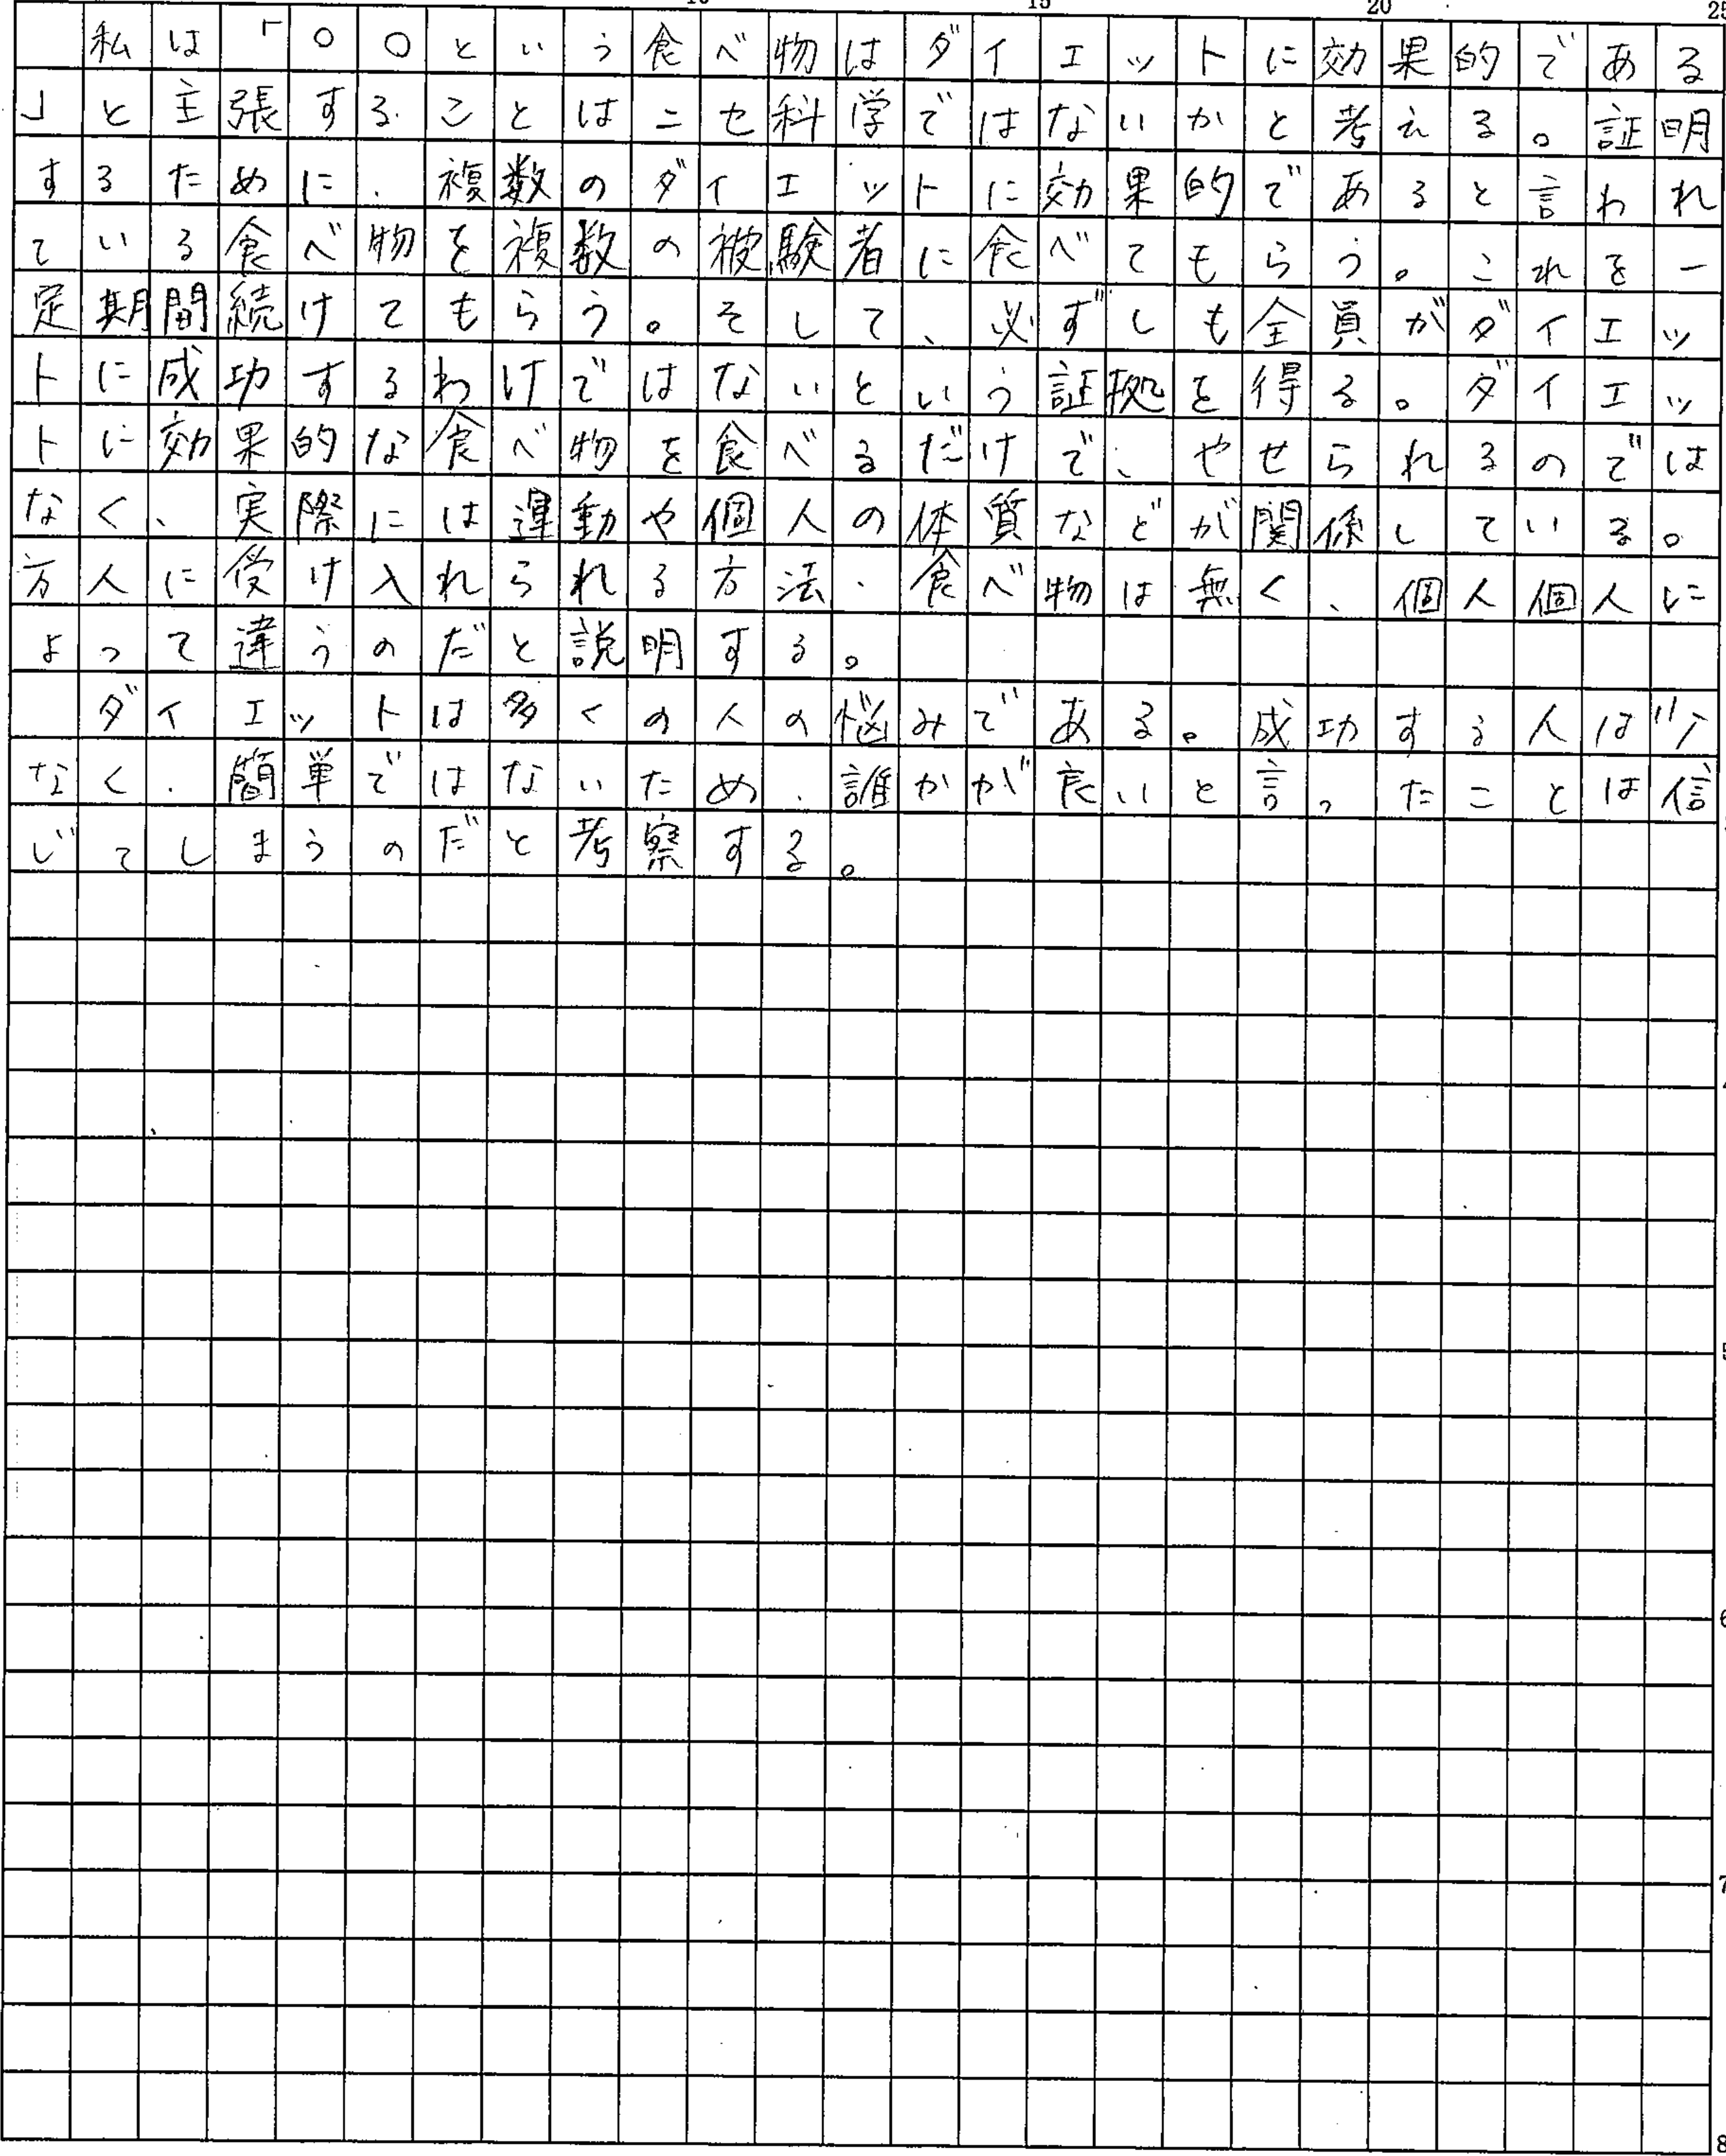　私は「〇〇という食べ物はダイエットに効果的である」と主張することはニセ科学ではないかと考える。証明するために、複数のダイエットに効果的であると言われている食べ物を複数の被験者に食べてもらう。これを一定期間続けてもらう。そして、必ずしも全員がダイエットに成功するわけではないという証拠を得る。ダイエットに効果的な食べ物を食べるだけで、やせられるのではなく、実際には運動や個人の体質などが関係している。万人に受け入れられる方法・食べ物は無く、個人個人によって違うのだと説明する。
　ダイエットは多くの人の悩みである。成功する人は少なく、簡単ではないため、誰かが良いと言ったことは信じてしまうのだと考察する。
